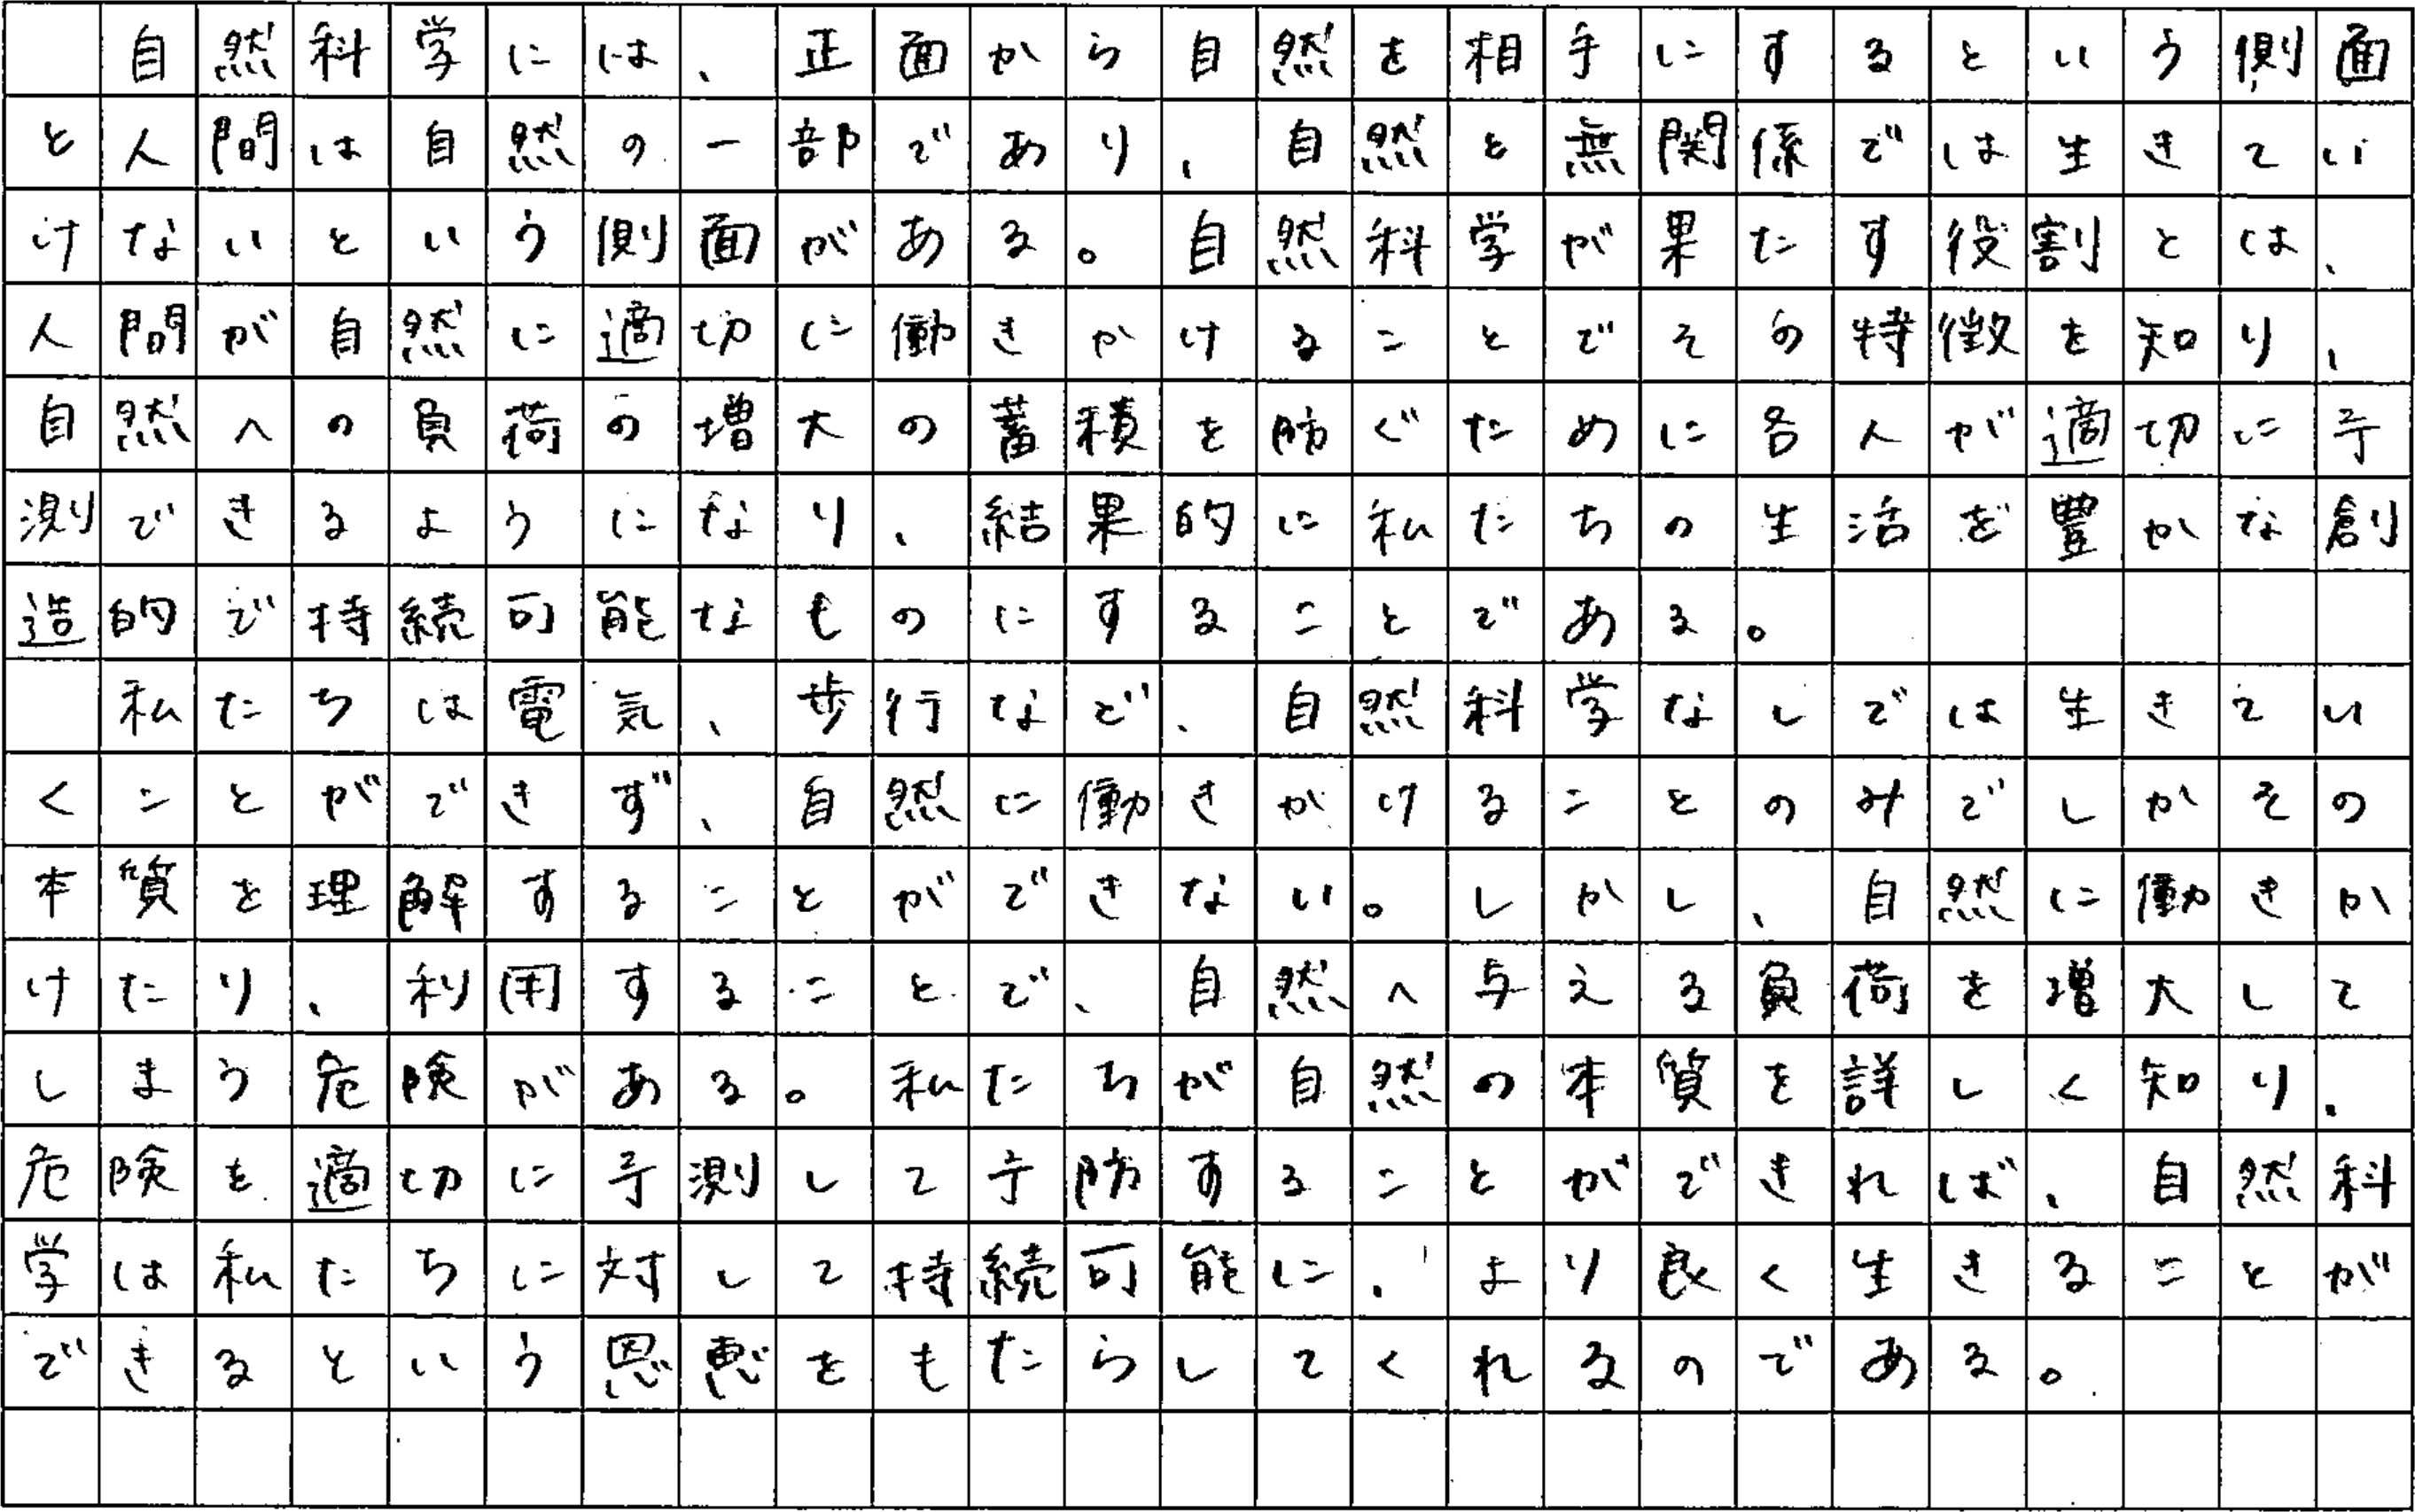　自然科学には、正面から自然を相手にするという側面と人間は自然の一部であり、自然と無関係では生きていけないという側面がある。自然科学が果たす役割とは、人間が自然に適切に働きかけることでその特徴を知り、自然への負荷の増大の蓄積を防ぐために各人が適切に予測できるようになり、結果的に私たちの生活を豊かな創造的で持続可能なものにすることである。
　私たちは電気、歩行など、自然科学なしでは生きていくことができず、自然に働きかけることのみでしかその本質を理解することができない。しかし、自然に働きかけたり、利用することで、自然へ与える負荷を増大してしまう危険がある。私たちが自然の本質を詳しく知り、危険を適切に予測して予防することができれば、自然科学は私たちに対して持続可能に、より良く生きることができるという恩恵をもたらしてくれるのである。
